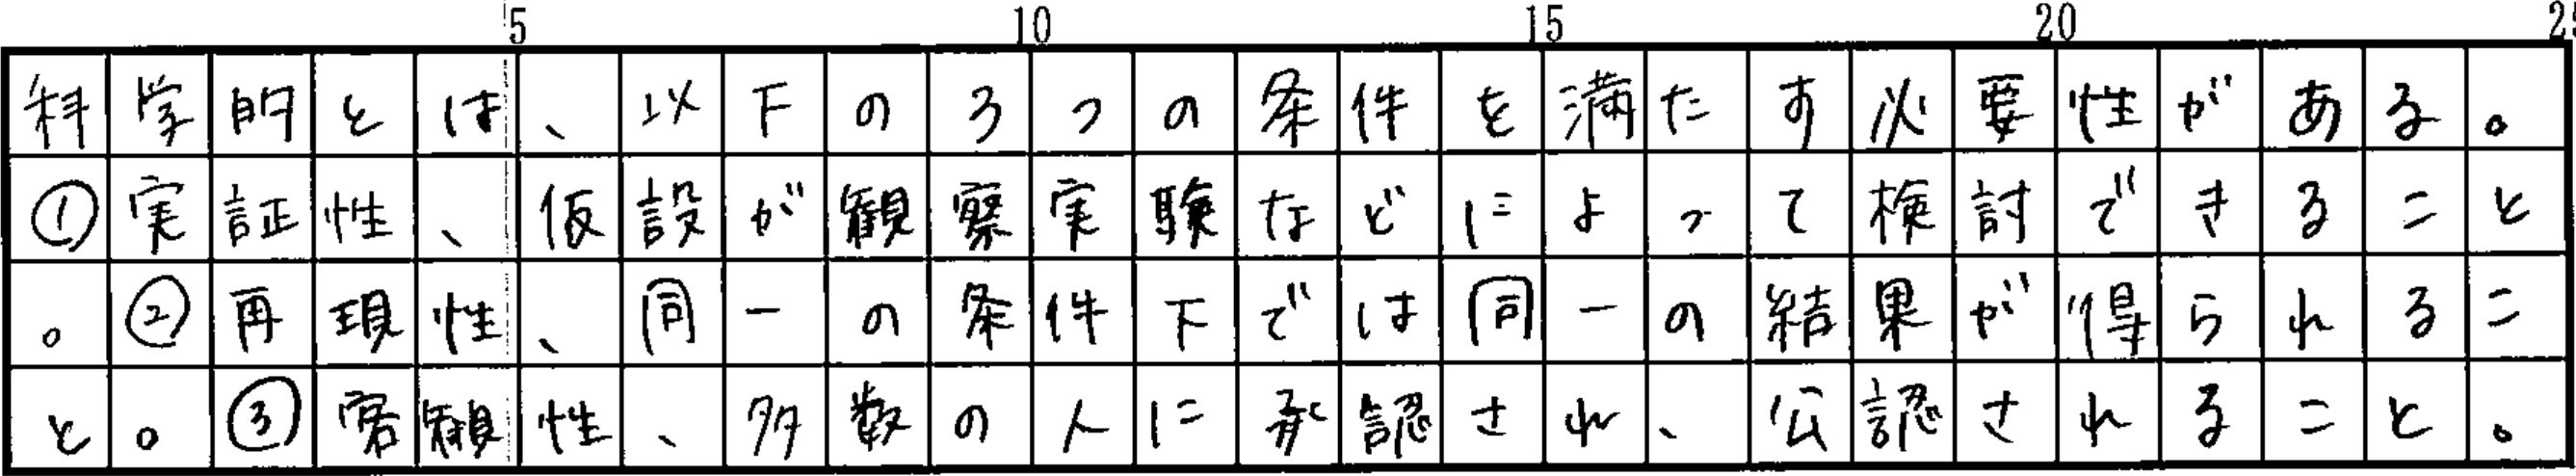科学的とは、以下の３つの条件を満たす必要性がある。①実証性、仮設が観察実験などによって検討できること。②再現性、同一の条件下では同一の結果が得られること。③客観性、多数の人に承認され、公認されること。
